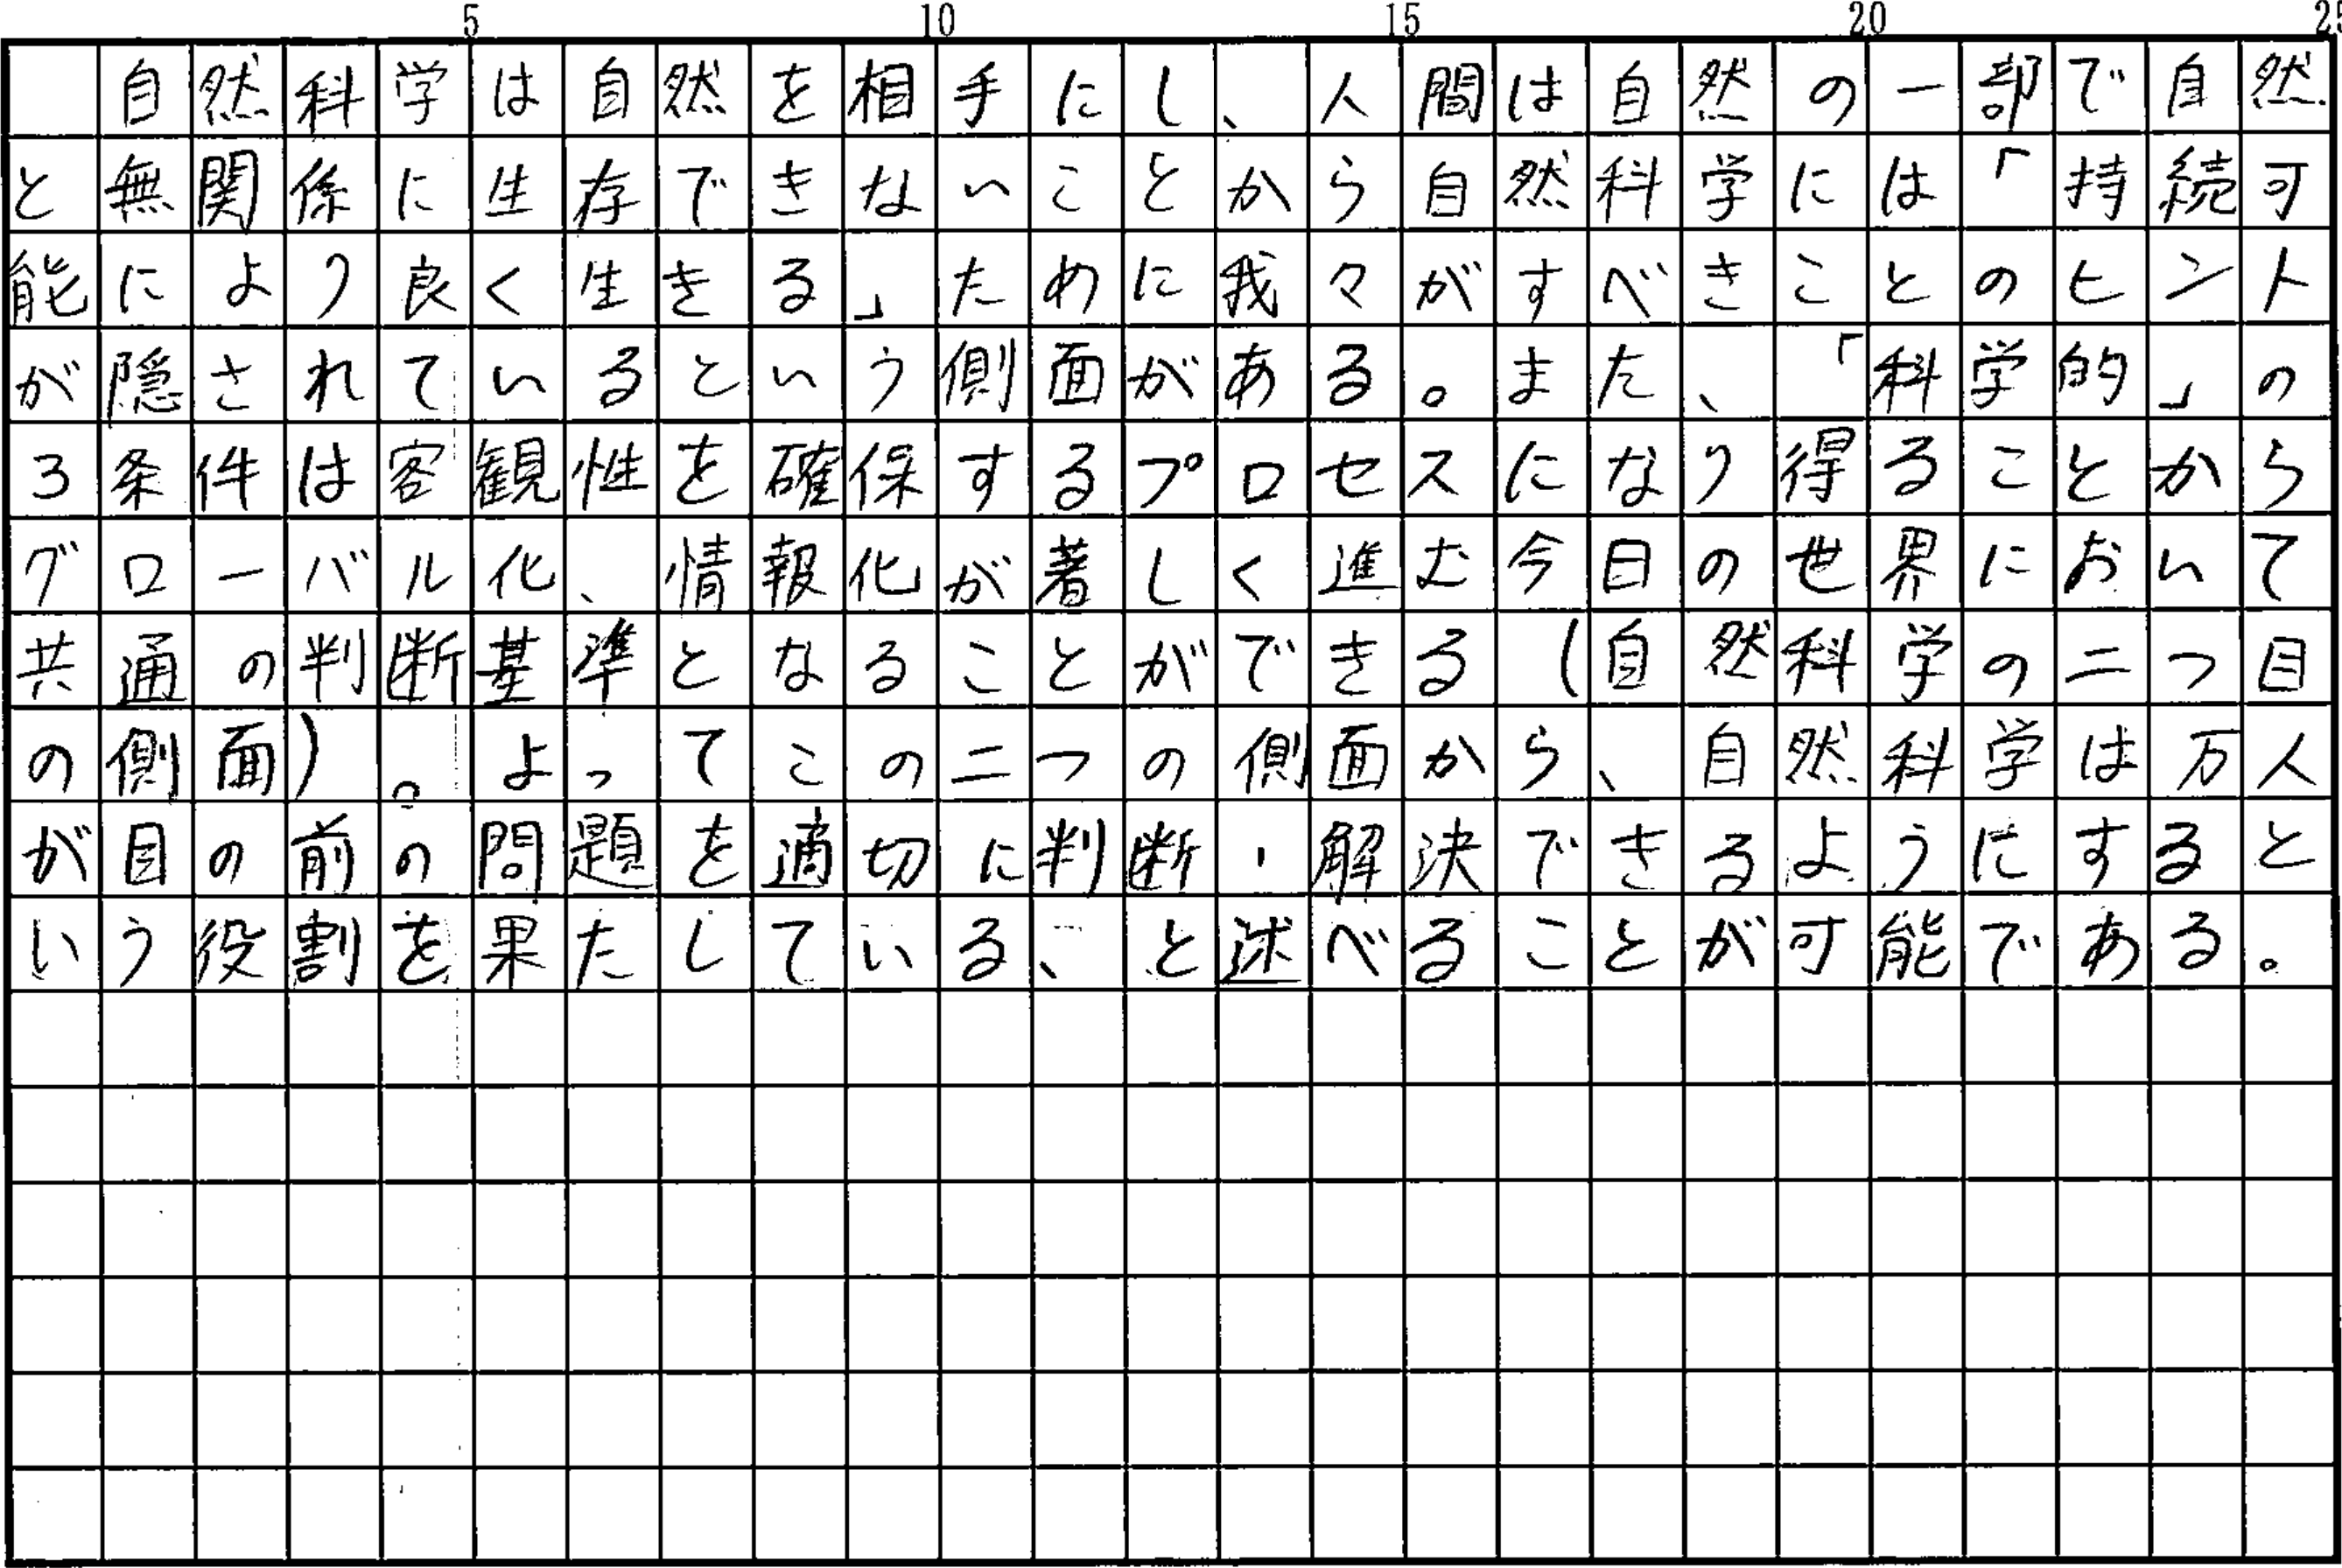　自然科学は自然を相手にし、人間は自然の一部で自然と無関係に生存できないことから自然科学には「持続可能により良く生きる」ために我々がすべきことのヒントが隠されているという側面がある。また、「科学的」の３条件は客観性を確保するプロセスになり得ることからグローバル化、情報化が著しく進む今日の世界において共通の判断基準となることができる（自然科学の二つ目の側面）。よってこの二つの側面から、自然科学は万人が目の前の問題を適切に判断・解決できるようにするという役割を果たしている、と述べることが可能である。
